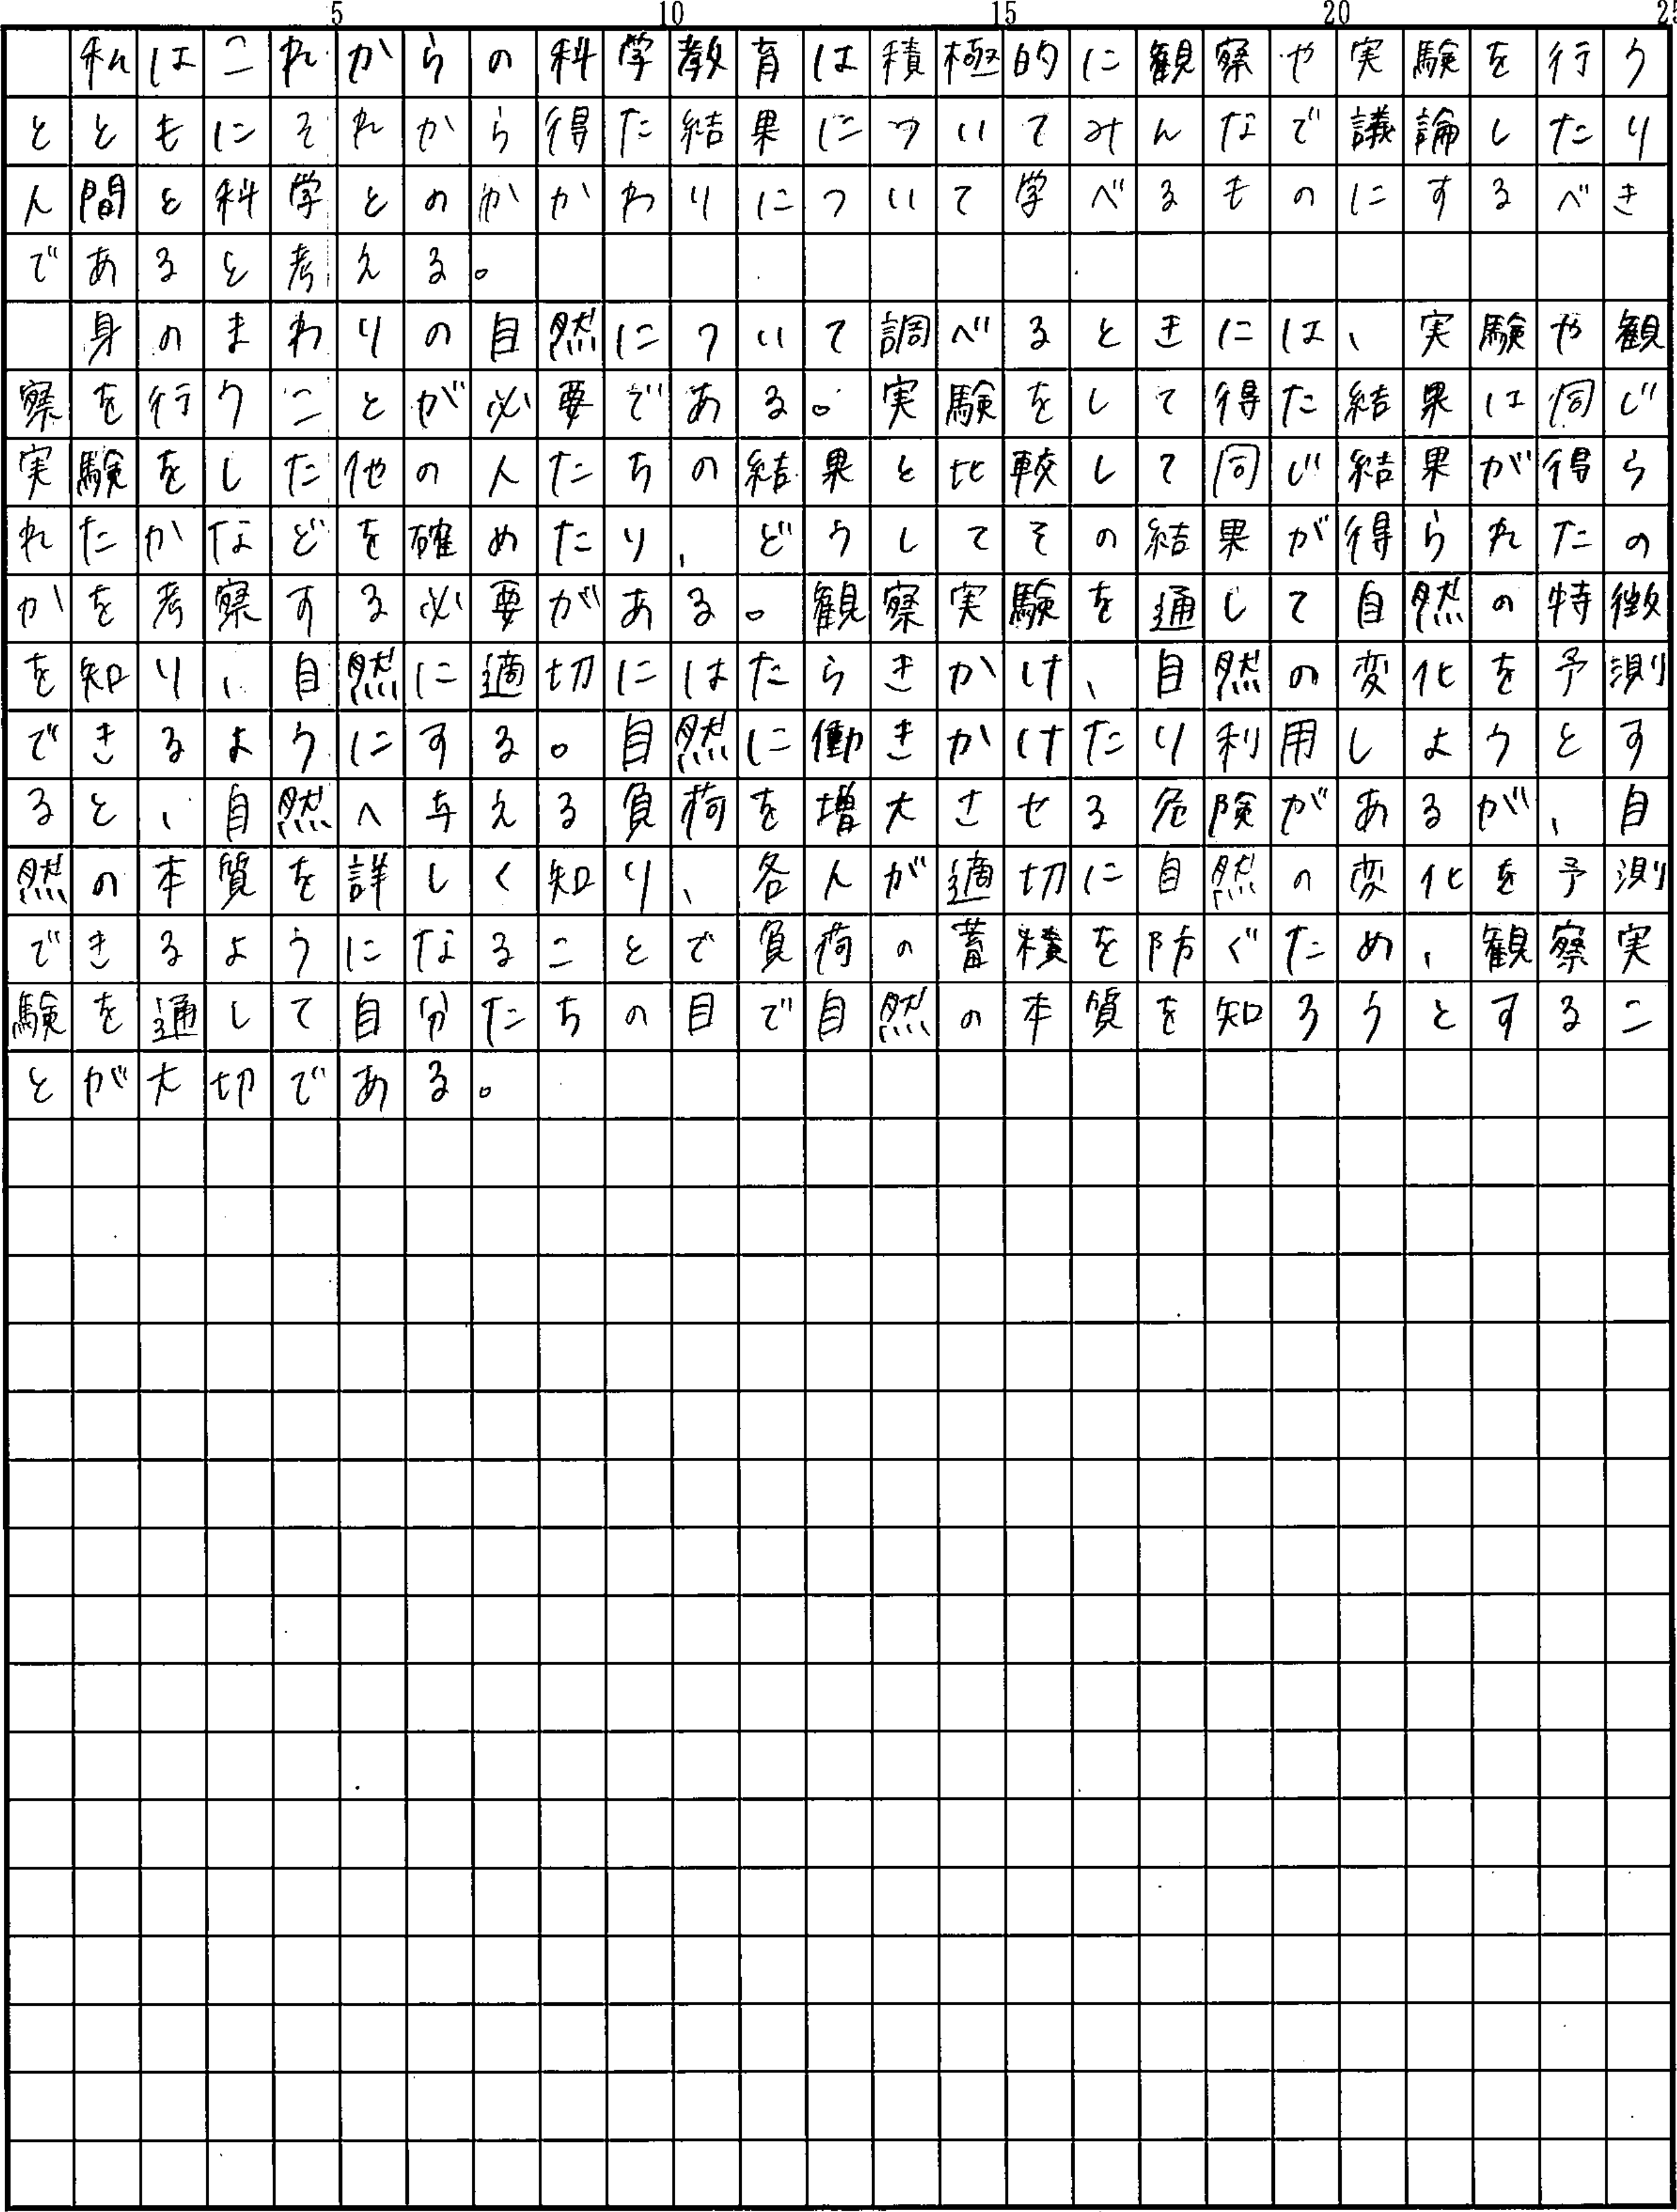　私はこれからの科学教育は積極的に観察や実験を行うとともにそれから得た結果についてみんなで議論したり人間と科学とのかかわりについて学べるものにするべきであると考える。
　身のまわりの自然について調べるときには、実験や観察を行うことが必要である。実験をして得た結果は同じ実験をした他の人たちの結果と比較して同じ結果が得られたかなどを確めたり、どうしてその結果が得られたのかを考察する必要がある。観察実験を通して自然の特徴を知り、自然に適切にはたらきかけ、自然の変化を予測できるようにする。自然に働きかけたり利用しようとすると、自然へ与える負荷を増大させる危険があるが、自然の本質を詳しく知り、各人が適切に自然の変化を予測できるようになることで負荷の蓄積を防ぐため、観察実験を通して自分たちの目で自然の本質を知ろうとすることが大切である。
